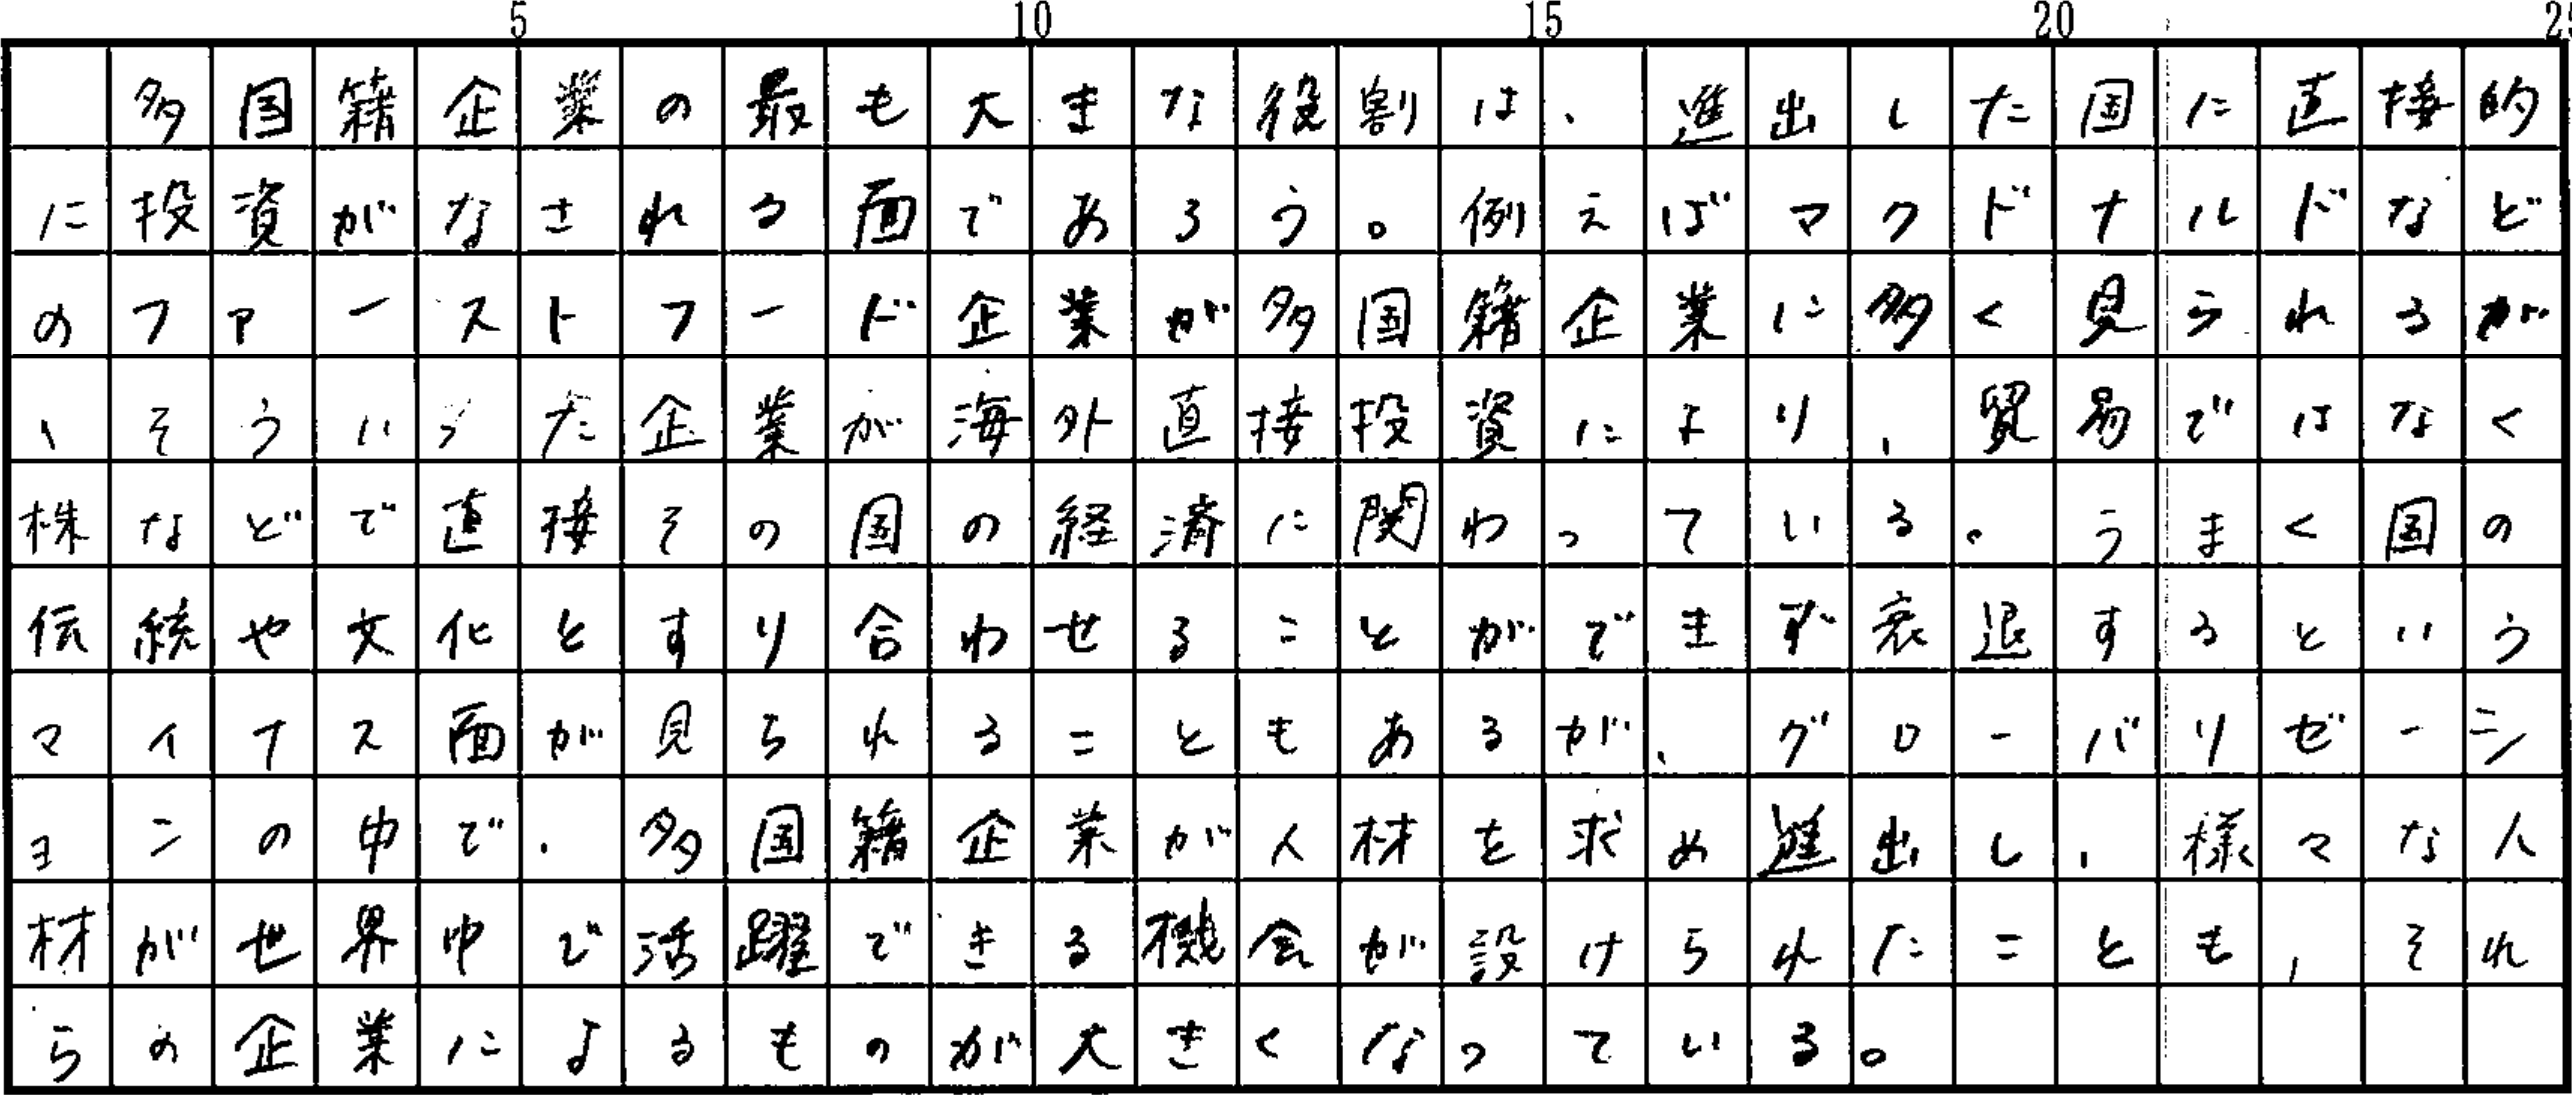　多国籍企業の最も大きな役割は、進出した国に直接的に投資がなされる面であろう。例えばマクドナルドなどのファーストフード企業が多国籍企業に多く見られるが、そういった企業が海外直接投資により、貿易ではなく株などで直接その国の経済に関わっている。うまく国の伝統や文化とすり合わせることができず衰退するというマイナス面が見られることもあるが、グローバリゼーションの中で、多国籍企業が人材を求め進出し、様々な人材が世界中で活躍できる機会が設けられたことも、それらの企業によるものが大きくなっている。
